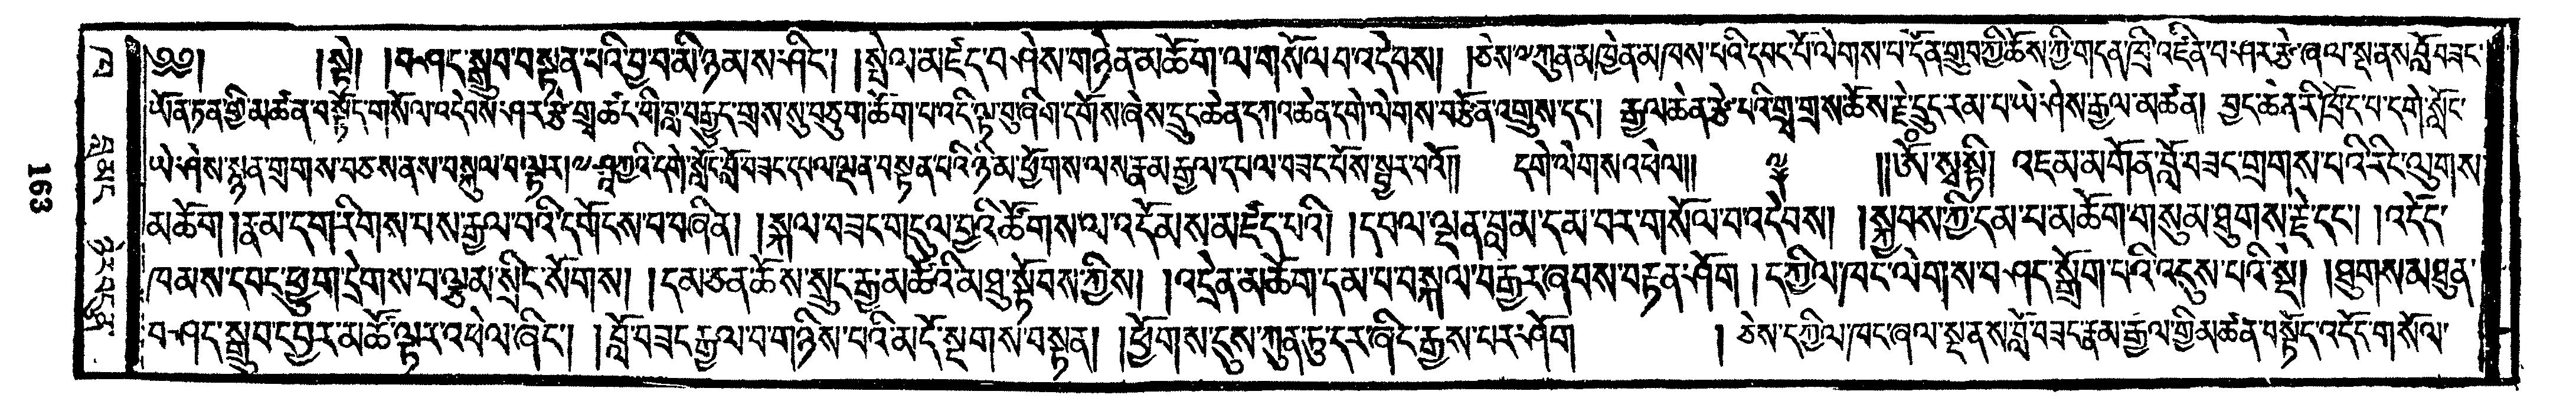༄༅། །སྟེ། །བཤད་སྒྲུབ་བསྟན་པའི་བྱ་བ་མི་ཉམས་ཤིང་། །སྤེལ་མཛད་བཤེས་གཉེན་མཆོག་ལ་གསོལ་བ་འདེབས། །ཅེས་༧་ཀུན་མཁྱེན་མཁས་པའི་དབང་པོ་ལེགས་པ་དོན་གྲུབ་ཀྱི་ཆོས་ཀྱི་གདན་ཁྲི་འཛིན་པ་ཤར་རྩེ་ཞལ་སྔ་ནས་བློ་བཟང་
ཡོན་ཏན་གྱི་མཚན་བསྟོད་གསོལ་འདེབས་ཤར་རྩེ་གྲྭ་ཚང་གི་བླ་བརྒྱུད་གྲས་སུ་བཅུག་ཆོག་པ་འདི་ལྟ་བུ་ཞིག་དགོས་ཞེས་དྲུང་ཆེན་དཀའ་ཆེན་དགེ་ལེགས་བརྩོན་འགྲུས་དང་། རྒྱལ་ཆེན་རྩེ་བའི་གྲྭ་གྲས་ཆོས་རྗེ་དྲུང་རམ་པ་ཡེ་ཤེས་རྒྱལ་མཚན། བྱང་ཆེན་རི་ཁྲོད་པ་དགེ་སློང་
ཡེ་ཤེས་སྙན་གྲགས་བཅས་ནས་བསྐུལ་བལྟར། ༧་ཤཱཀྱའི་དགེ་སློང་བློ་བཟང་དཔལ་ལྡན་བསྟན་པའི་ཉི་མ་ཕྱོགས་ལས་རྣམ་རྒྱལ་དཔལ་བཟང་པོས་སྦྱར་བའོ།། དགེ་ལེགས་འཕེལ།། ༈ །།ཨོཾ་སྭ་སྟི། འཇམ་མགོན་བློ་བཟང་གྲགས་པའི་རིང་ལུགས་
མཆོག །རྣམ་དག་རིགས་པས་རྒྱལ་བའི་དགོངས་པ་བཞིན། །སྐལ་བཟང་གདུལ་བྱའི་ཚོགས་ལ་འདོམས་མཛད་པའི། །དཔལ་ལྡན་བླ་མ་དམ་བར་གསོལ་བ་འདེབས། །སྐྱབས་ཀྱི་དམ་པ་མཆོག་གསུམ་ཐུགས་རྗེ་དང་། །འདོད་
ཁམས་དབང་ཕྱུག་དྲེགས་པ་ལྕམ་སྲིང་སོགས། །དམ་ཅན་ཆོས་སྲུང་རྒྱ་མཚོའི་མཐུ་སྟོབས་ཀྱིས། །འདྲེན་མཆོག་དམ་པ་བསྐལ་བརྒྱར་ཞབས་བརྟན་ཤོག །དཀྱིལ་ཁང་ལེགས་བཤད་སྒྲོག་པའི་འདུས་པའི་སྡེ། །ཐུགས་མཐུན་
བཤད་སྒྲུབ་དབྱར་མཚོ་ལྟར་འཕེལ་ཞིང་། །བློ་བཟང་རྒྱལ་བ་གཉིས་པའི་མདོ་སྔགས་བསྟན། །ཕྱོགས་དུས་ཀུན་ཏུ་དར་ཞིང་རྒྱས་པར་ཤོག །ཅེས་དཀྱིལ་ཁང་ཞལ་སྔ་ནས་བློ་བཟང་རྣམ་རྒྱལ་གྱི་མཚན་བསྟོད་འདོད་གསོལ་